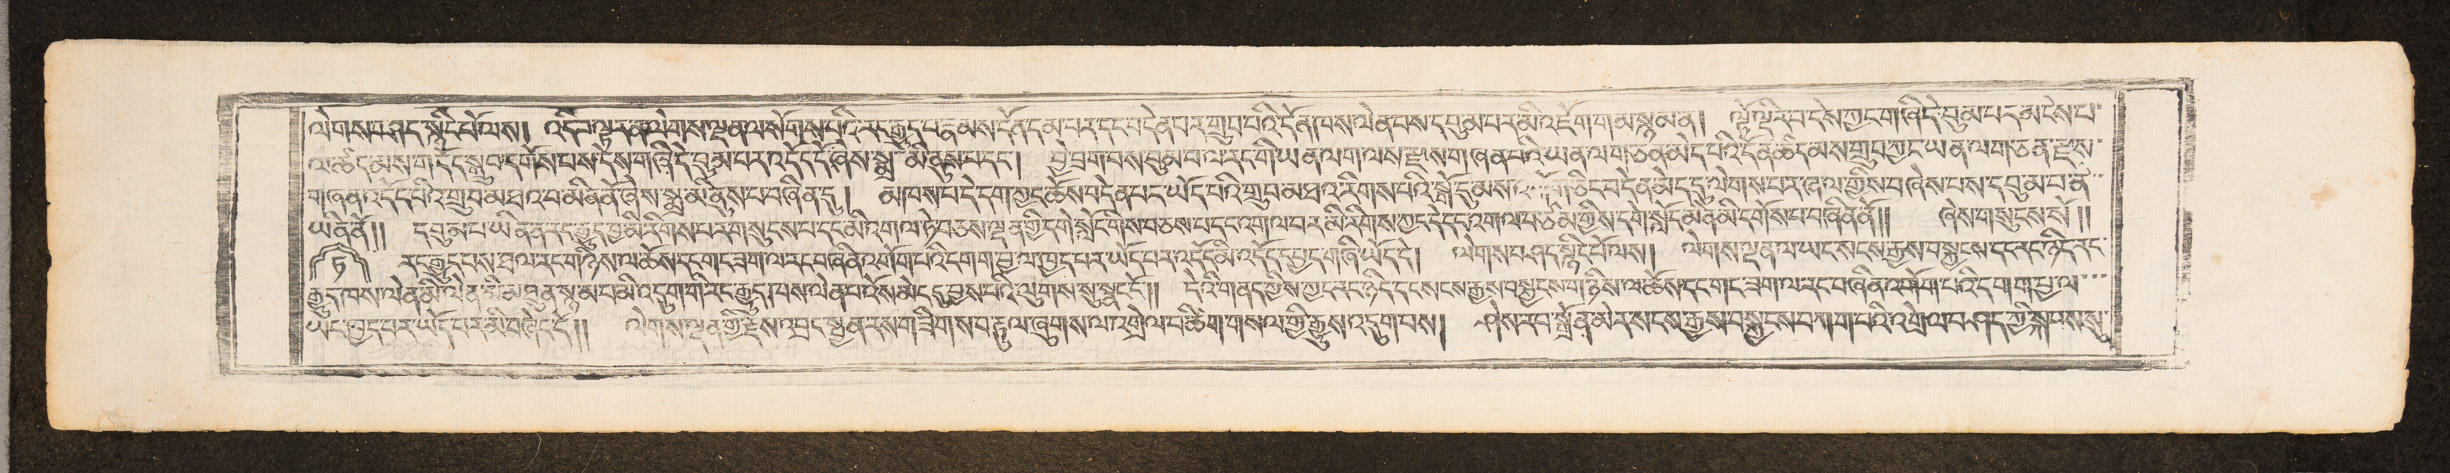ལེགས་བཤད་སྙིང་པོ་ལས། འདི་བ་ལྟར་ན་ལེགས་ལྡན་ལ་སོགས་པའི་རང་རྒྱུད་པ་རྣམས་དོན་དམ་པར་དང་བདེན་པར་གྲུབ་པའི་དོན་ཁས་ལེན་བས་དབུ་མ་པར་མི་འཇོག་གམ་སྙམ་ན། ལྷོ་ལྡི་ངེས་ཀྱང་གཞི་དེ་བུམ་པར་མངེས་པ་
ལ་ཚད་མས་གདོད་སྒྲུབ་དགོས་པས་དེས་གཞི་དེ་བུམ་པར་འདོད་དོ་ཞེས་སྨྲ་མི་ནུས་བདང་། བྱེ་བྲག་པས་བུམ་པ་ལ་རང་གི་ཡིན་ལག་ལས་རྫས་གཞན་པའི་ཡན་ལག་ཅན་མེད་པའི་དོན་ཚད་མས་གྲུབ་ཀྱང་ཡན་ལག་ཅན་རྫས་
གཞན་འདོད་པའི་གྲུབ་མཐའ་བ་མིན་ནོ་ཞེས་སྨྲ་ནི་ནུས་པ་བཞིན་དུ། མཁས་བདེ་དག་ཀྱང་ཆོས་བདེན་པར་ཡོད་པའི་གྲུབ་མཐའ་རིགས་པའི་སྒོ་དུ་མས་འགོག་ཅིང་བདེན་མེད་དུ་ལེགས་པར་ཞ་ལ་གྱིས་བཞེས་པས་དབུ་མ་བ་ནི་
ཡིན་ནོ།། དབུམ་པ་ཡིན་ན་རང་རྒྱུད་བྱ་མི་རིགས་པར་གསུངས་པ་དང་མི་འགལ་ཏེ་བཅས་ལྡན་ཕྱི་དགེ་སློང་གིས་བཅས་པ་དང་འགལ་བར་མི་རིགས་ཀྱང་དེ་དང་འགལ་བ་ཙམ་གྱིས་དགེ་སློང་མིན་མི་དགོས་པ་བཞིན་ནོ།། ཞེས་གསུངས་སོ།།
༼༽ཏ༼༽ རང་རྒྱུད་པས་ཐལ་དང་གཉིས་ལ་ཆོས་དང་གང་ཟག་ལ་རང་བཞིན་འགོག་པའི་དགག་བྱ་ལ་ཁྱད་པར་ཡོད་པར་འདོད་མི་འདོད་དཔྱད་གཞི་ཡོད་དེ། ལེགས་བཤད་སྙིང་པོ་ལས། ལེགས་ལྡན་ལ་ཡང་སངས་རྒྱས་བསྐྱངས་དང་རང་ཉིད་རང་
རྒྱུད་ཁས་ལེན་མི་ལེན་མི་མཐུན་སྙམ་པ་མི་འདུག་གི་རང་རྒྱུ་ཁ་ལེན་པ་འོས་མེད་དུ་བྱས་པའི་ལུགས་སུ་སློང་ངོ།། དེའི་གནད་ཀྱིས་ཀྱང་རང་ཉིད་དང་སངས་རྒྱས་བསྐྱངས་གཉིས་ལ་ཆོས་དང་གང་ཟག་ལ་རང་བཞིན་འགོག་པའི་དགག་བྱ་ལ་
ཡང་ཁྱད་པར་ཡོད་པར་མི་བཞེད་དོ།། ལེགས་ལྡན་གྱི་རྗེས་འབྲང་སྦྱན་རས་གཅིག་བརྟུལ་ཞུགས་ལ་འགྲེལ་བ་ཚིགས་ལ་གྱི་རྒྱུས་འདུག་པས། ཤེས་རབ་སྒྲོན་མེར་སངས་རྒྱས་བསྐྱབས་བཀག་པའི་འགྲེལ་བཤད་ཀྱི་སྐབས་སུ་